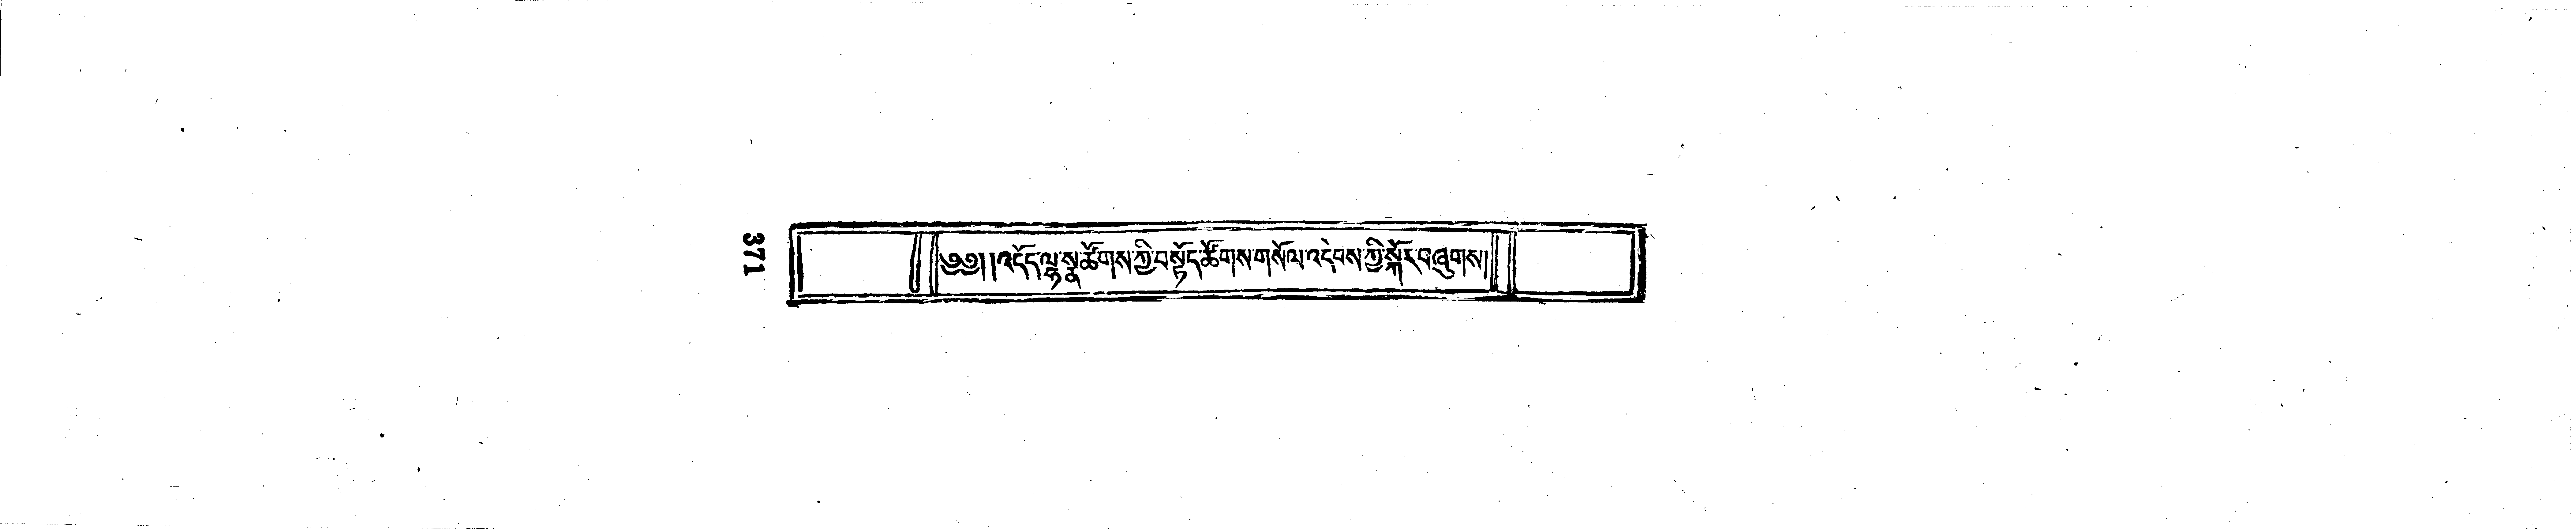༄༅། །འདོད་ལྷ་སྣ་ཚོགས་ཀྱི་བསྟོད་ཚོགས་གསོལ་འདེབས་ཀྱི་སྐོར་བཞུགས།